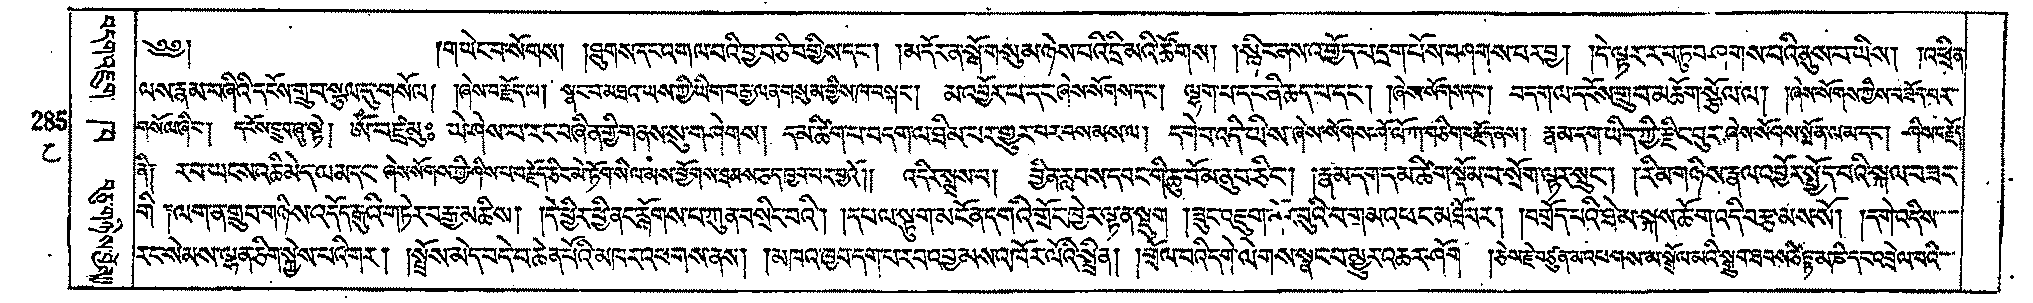༄༅། །གཡེང་བ་སོགས། །ཐུགས་དང་འགལ་བའི་བྱ་བ་ཅི་བགྱིས་དང་། །མདོར་ན་སྒོ་གསུམ་ཉེས་པའི་དྲི་མའི་ཚོགས། །སྙིང་ནས་འགྱོད་པ་དྲག་པོས་བཤགས་པར་བྱ། །དེ་ལྟར་རབ་ཏུ་བཤགས་པའི་ནུས་པ་ཡིས། །འཕྲིན་
ལས་རྣམ་བཞིའི་དངོས་གྲུབ་སྩལ་དུ་གསོལ། །ཞེས་བརྗོད་ལ། སྣང་བ་མཐའ་ཡས་ཀྱི་ཡིག་བརྒྱ་ལན་གསུམ་གྱིས་ཁ་བསྐང་།  མ་འབྱོར་པ་དང་ཞེས་སོགས་དང་། ལྷག་པ་དང་ནི་ཆད་པ་དང་། །ཞེས་སོགས་དང་།  བདག་ལ་དངོས་གྲུབ་མཆོག་སྩོལ་ལ། །ཞེས་སོགས་ཀྱིས་བཟོད་པར་་་
གསོལ་ཞིང་། དངོས་གྲུབ་ཞུ་སྟེ། ཨོཾ་བཛྲ་མུཿ ཡེ་ཤེས་པ་རང་བཞིན་གྱི་གནས་སུ་གཤེགས། དམ་ཚིག་པ་བདག་ལ་ཐིམ་པར་གྱུར་པར་བསམས་ལ། དགེ་བ་འདི་ཡིས་ཞེས་སོགས་ཤོ་ལོ་ཀ་གཅིག་བརྗོད་ནས། རྣམ་དག་ཡིད་ཀྱི་རྫིང་བུར་ཞེས་སོགས་སྨོན་ལམ་དང་། ཤིས་བརྗོད་
ནི༑ རབ་ཡངས་འཆི་མེད་ལམ་དང་ཞེས་སོགས་ཀྱི་ཤེས་པ་བརྗོད་ཅིང་མེ་ཏོག་སིལ་མས་ཕྱོགས་ཐམས་ཅད་ཁྱབ་པར་བྱའོ།། འདིར་སྨྲས་པ།  བྱིན་རླབས་དབང་གི་ཆུ་བོ་མ་ནུབ་ཅིང་། །རྣམ་དག་དམ་ཚིག་སྡོམ་པ་སྲོག་ལྟར་སྲུང་། །རིམ་གཉིས་རྣལ་འབྱོར་སྤྱོད་པའི་སྐལ་བཟང་
གི ༑ལག་ན་གྲུབ་གཉིས་འདོད་རྒུའི་གཏེར་བརྒྱ་མཆིས། །དེ་ཕྱིར་ཕྱི་ནང་རྙོགས་པ་ཀུན་བསྲིང་བའི། །དཔལ་སྟུག་མངོན་དགའི་གྲོང་ཁྱེར་ལྟ་ན་སྡུག །ཟུང་འཇུག་ནོར་བུའི་བ་གམ་འཕང་མཐོ་བར། །བགྲོད་པའི་ཐེམ་སྐས་ཆོ་ག་འདི་བརྩམས་སོ། །དགེ་འདིས་་་
རང་སེམས་ལྷན་ཅིག་སྐྱེས་པའི་གར། །སྤྲོས་མེད་བདེ་བ་ཆེན་པོའི་མཁར་འཕགས་ནས། །མཁའ་ཁྱབ་དག་པ་རབ་འབྱམས་འཁོར་ལོའི་སྤྲིན། །གྲོལ་བའི་དགེ་ལེགས་སྣང་བ་མྱུར་འཆར་ཤོག །ཅེས་རྗེ་བཙུན་མ་འཕགས་མ་སྒྲོལ་མའི་སྒྲུབ་ཐབས་ཙིཏྟ་མ་ཎི་དང་འབྲེལ་བའི་་་